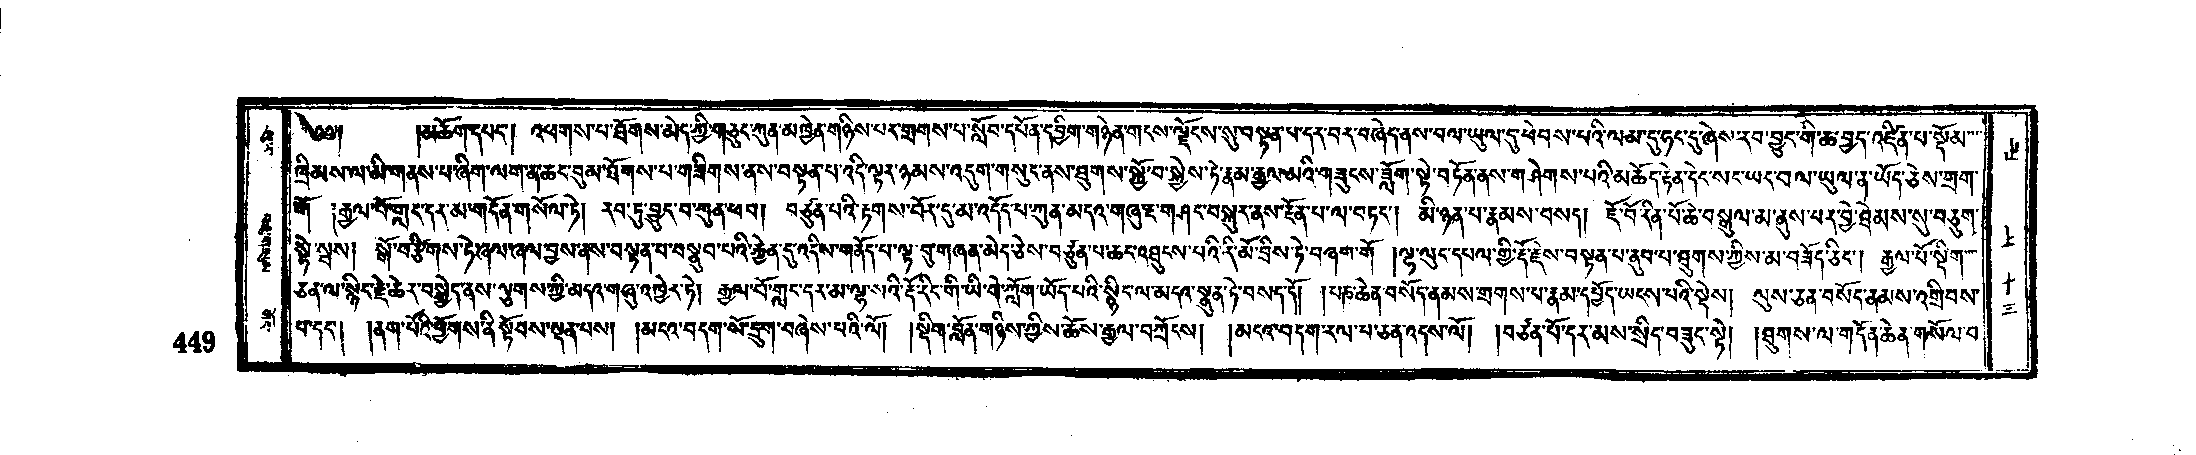༄༅། །མཆོག་དཔང་། འཕགས་པ་ཐོགས་མེད་ཀྱི་གཅུང་ཀུན་མཁྱེན་གཉིས་པར་གྲགས་པ་སློབ་དཔོན་དབྱིག་གཉེན་གངས་ལྗོངས་སུ་བསྟན་པ་དར་བར་བཞེད་ནས་བལ་ཡུལ་དུ་ཕེབས་པའི་ལམ་དུ་ཧང་དུ་ཞེས་རབ་བྱུང་གི་ཆ་བྱད་འཛིན་པ་སྡོམ་
ཁྲིམས་ལ་མི་གནས་པ་ཞིག་ལག་ན་ཆང་བུམ་ཐོགས་པ་གཟིགས་ནས་བསྟན་པ་འདི་ལྟར་ཉམས་འདུག་གསུང་ནས་ཐུགས་སྐྱོ་བ་སྐྱེས་ཏེ་རྣམ་རྒྱལ་མའི་གཟུངས་ཟློག་སྟེ་བཏོན་ནས་གཤེགས་པའི་མཆོད་རྟེན་དེང་སང་ཡང་བལ་ཡུལ་ན་ཡོད་ཅེས་གྲག་
གོ ༑རྒྱལ་པོ་གླང་དར་མ་གདོན་གསོལ་ཏེ། རབ་ཏུ་བྱུང་བ་ཀུན་ཕབ། བཙུན་པའི་རྟགས་བོར་དུ་མ་འདོད་པ་ཀུན་མདའ་གཞུ་རྔ་གཤང་བསྐུར་ནས་རྔོན་པ་ལ་བཏང་། མི་ཉན་པ་རྣམས་བསད། ཇོ་བོ་རིན་པོ་ཆེ་བསྒུལ་མ་ནུས་པར་བྱེ་ཐེམས་སུ་བཅུག་
སྟེ་སྦས། སྒོ་བརྩིགས་ཏེ་ཞལ་ཞལ་བྱས་ནས་བསྟན་པ་བསྣུབ་པའི་རྐྱེན་དུ་འདིས་གནོད་པ་ལྟ་བུ་གཞན་མེད་ཅེས་བཙུན་པ་ཆང་འཐུངས་པའི་རི་མོ་བྲིས་ཏེ་བཞག་གོ །ལྷ་ལུང་དཔལ་གྱི་རྡོ་རྗེས་བསྟན་པ་ནུབ་པ་ཐུགས་ཀྱིས་མ་བཟོད་ཅིང་། རྒྱལ་པོ་སྡིག་
ཅན་ལ་སྙིང་རྗེ་ཆེར་བསྐྱེད?་ནས་ལྕགས་ཀྱི་མདའ་གཞུ་འཁྱེར་ཏེ། རྒྱལ་པོ་གླང་དར་མ་ལྷ་སའི་རྡོ་རིང་གི་ཡི་བེ་ཀློག་ཡོད་པའི་སྙིང་ལ་མདའ་སྣུན་ཏེ་བསད་དོ། །པཎ་ཆེན་བསོད་ནམས་གྲགས་པ་རྣམ་དཔྱོད་ཡངས་པའི་སྡེས། ལུས་ཅན་བསོད་ནམས་འགྲིབས་
པ་དང་། །ནག་པོའི་ཕྱོགས་ནི་སྟོབས་ལྡན་པས། །མངའ་བདག་སོ་དྲུག་བཞེས་པའི་ལོ། །སྡིག་བློན་གཉིས་ཀྱིས་ཆོས་རྒྱལ་བཀྲོངས། །མངའ་བདག་རལ་པ་ཅན་འདས་ལོ། །བཙན་པོ་དར་མས་སྲིད་བཟུང་སྟེ། །ཐུགས་ལ་གདོན་ཆེན་གསོལ་བ་